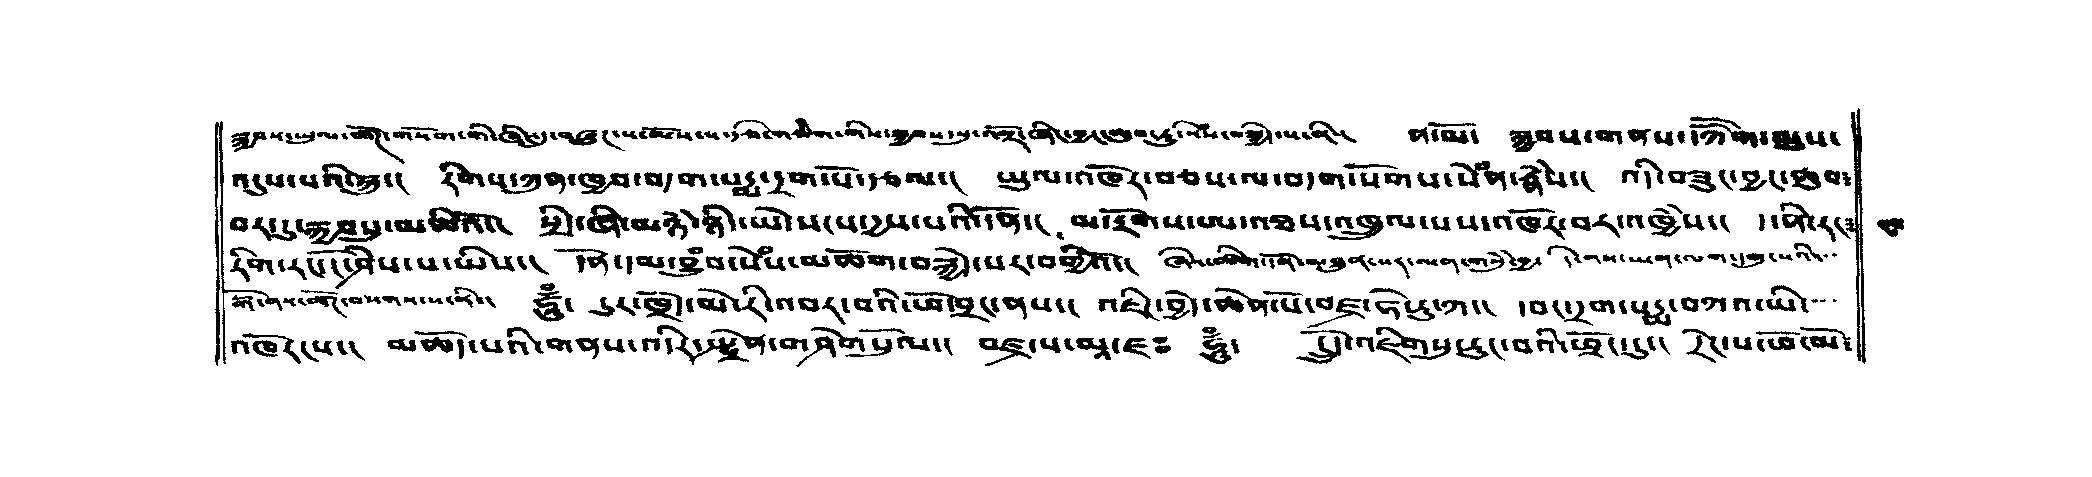སྐྱབས་ཡུལ་ཚོགས་གསོག་གི་ཞིང་དུ་བཞུགས་པ་མོས་པ་རྩེ་གཅིག་གིས་སྐྱབས་སུ་འགྲོ་ཞིང་བྱང་ཆུབ་ཏུ་སེམས་བསྐྱེད་པ་ནི། ན་མོ། སྐྱབས་གནས་དཀོན་མཆོག་མ་ལུས་
འདུས་པའི་སྐུ། །རིགས་ཀུན་ཁྱབ་བདག་པདྨ་དྲག་པོ་རྩལ། །ཡུལ་འཁོར་བཅས་ལ་བདག་སོགས་སེམས་ཅན་རྣམས། །འདི་བཟུང་བྱང་ཆུབ་
བར་དུ་སྐྱབས་སུ་མཆིའོ། །སྲིད་ཞི་མཉམ་ཉིད་ཡེ་སངས་རྒྱས་པའི་དོན། །མ་རྟོགས་ཨ་འཐས་འཁྲུལ་པས་འཁོར་བར་འཁྱམས། །ད་ནི་རང་
རིག་རང་ངོ་ཤེས་པ་ཡིས། །དོན་དམ་བྱང་ཆུབ་སེམས་མཆོག་བསྐྱེད་པར་བགྱིའོ། །ཞེས་ཚིག་དོན་མཐུན་པར་ལན་གསུམ་བྱ། དེ་ནས་ཡན་ལག་དགུ་པའི་
སྒོ་ནས་ཚོགས་བསགས་པ་ནི། ཧཱུྃ། དུར་ཁྲོད་མེ་རིས་འབར་བའི་ཕོ་བྲང་ནས། །འཇིགས་བྱེད་ཆེན་པོ་བཛྲ་ཧེ་རུ་ཀ། །དབང་དྲག་པདྨ་བཀའ་ཡི་
འཁོར་དང་བཅས། །མཆོད་པའི་གནས་འདིར་སྤྱན་འདྲེན་གཤེགས་སུ་གསོལ། །བཛྲ་ས་མཱ་ཛཿ ཧཱུྃ། དུར་ཁྲོད་འཇིགས་སུ་རུང་བའི་ཕོ་བྲང་དུ། །དྲགས་པ་ཕོ་མོ་